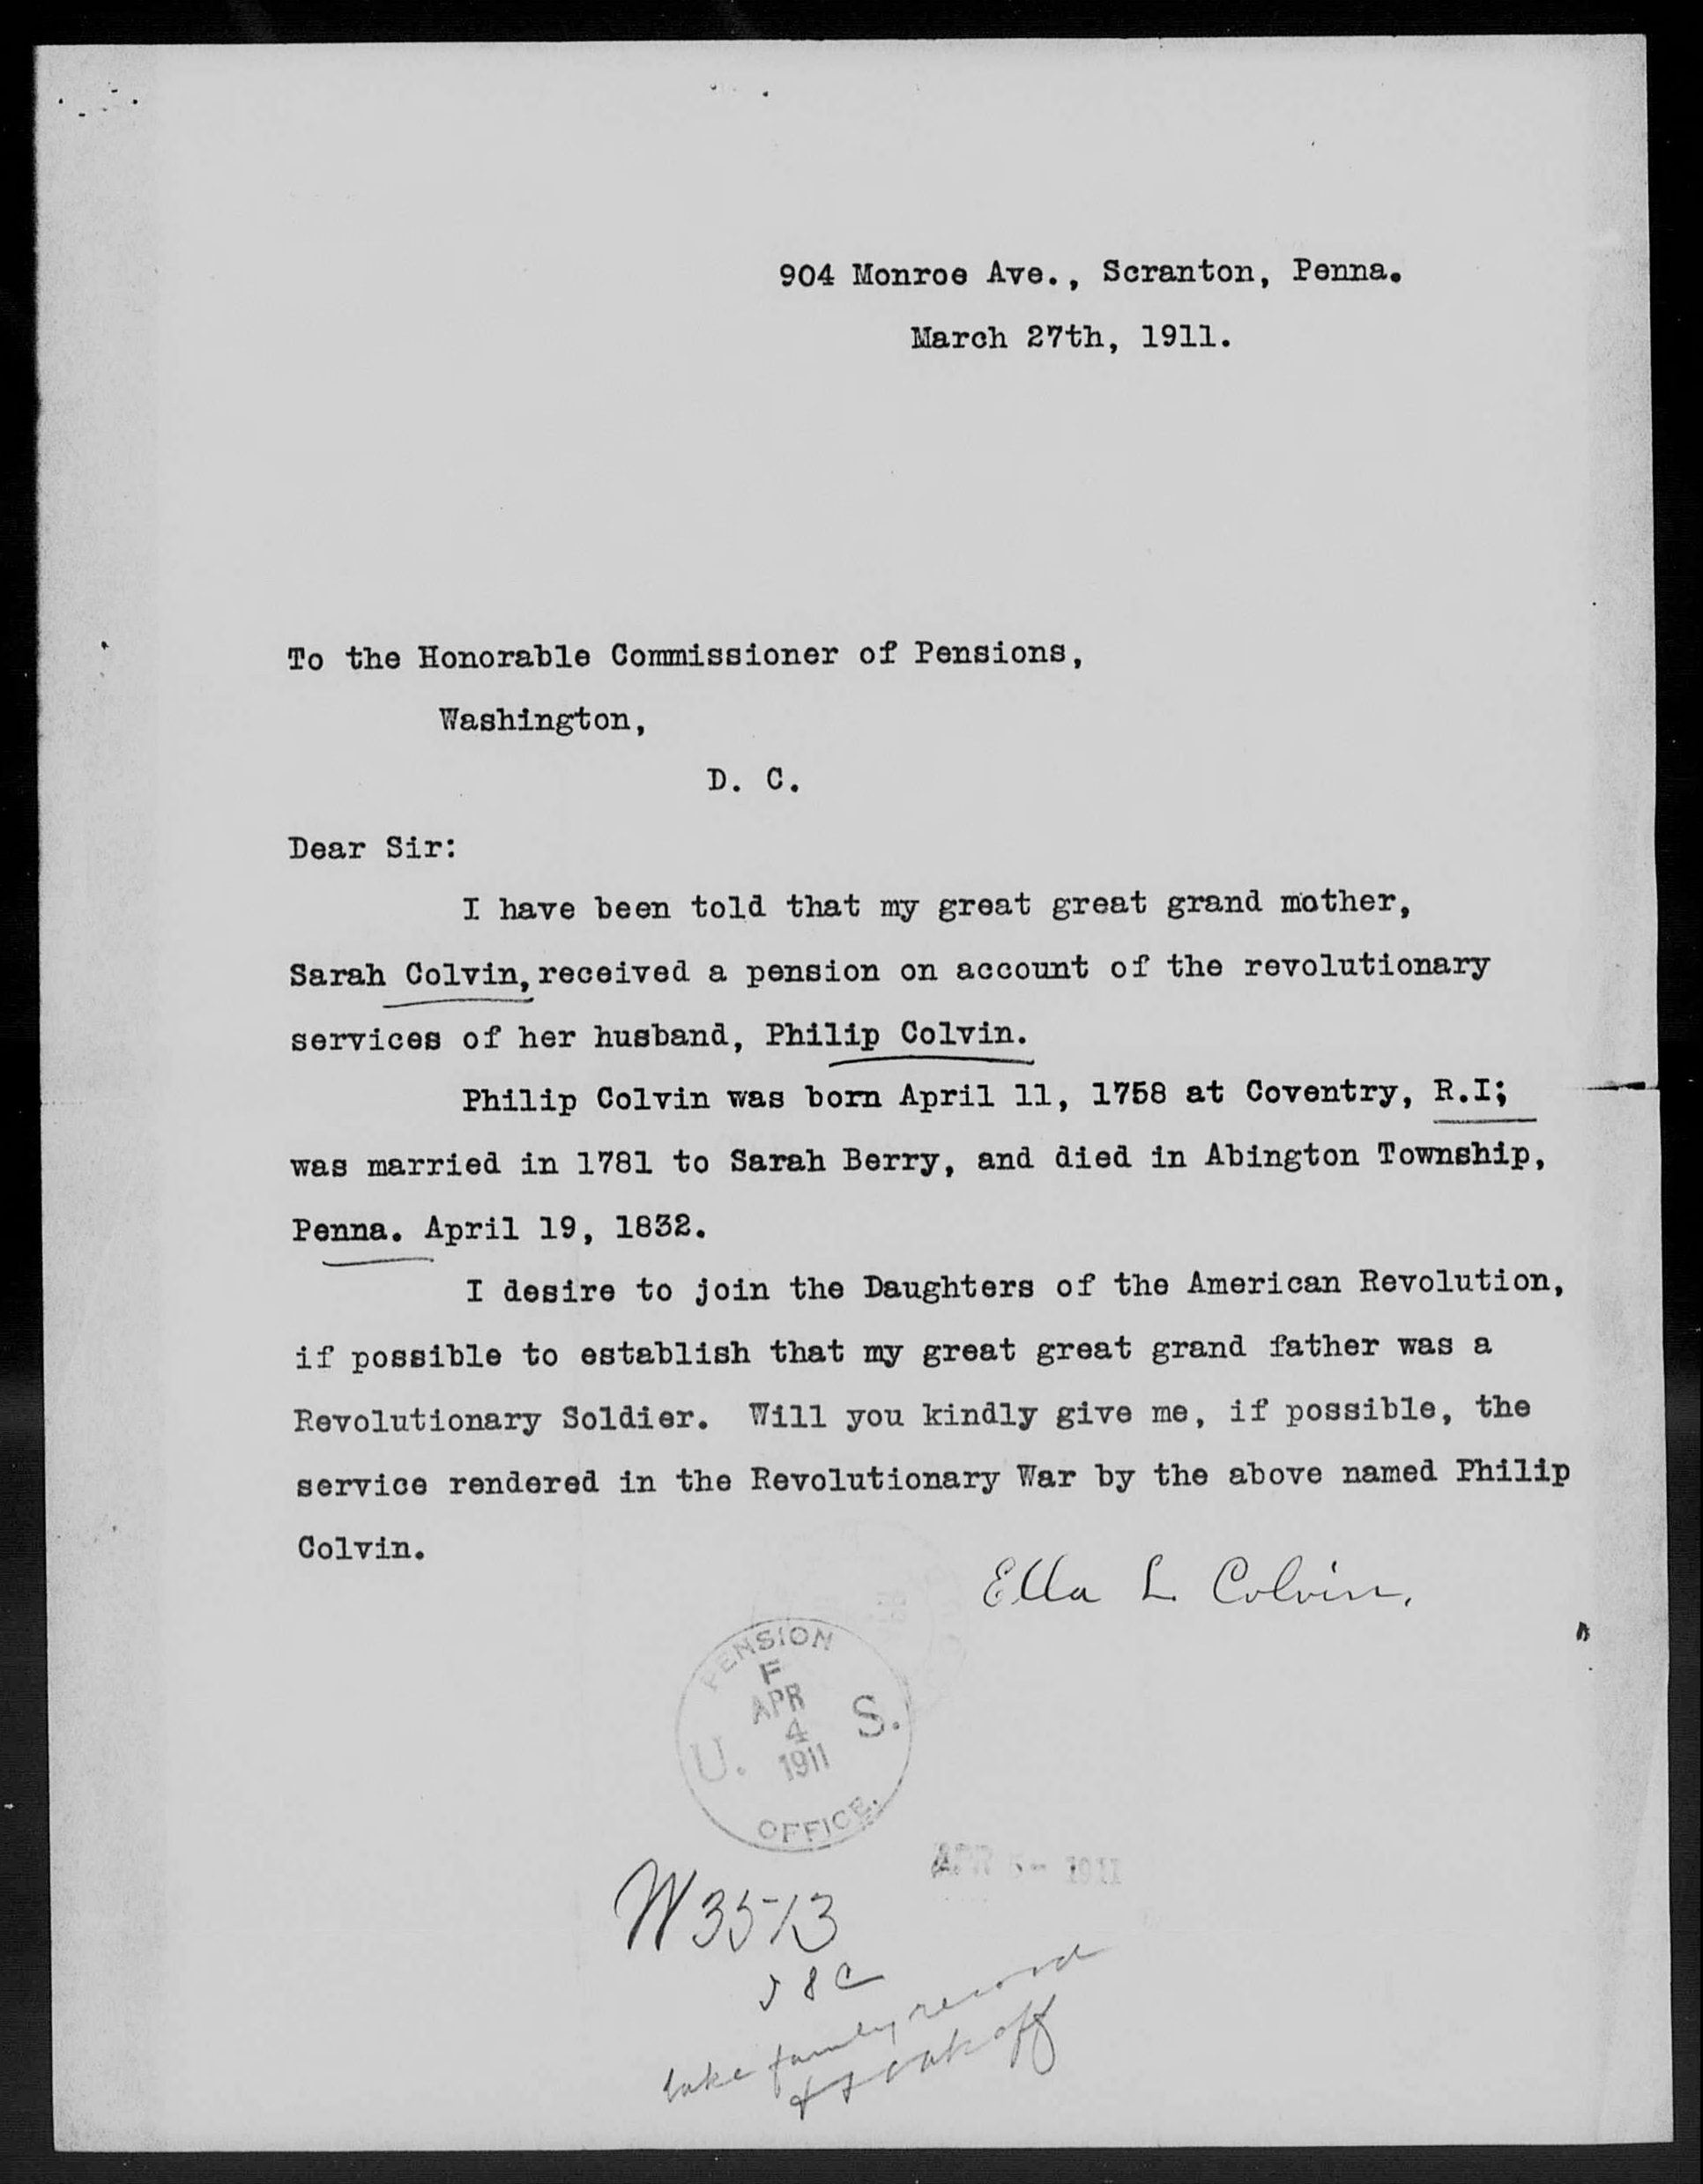904 Monroe Ave., Scranton, Penna.
March 27th, 1911.
To the Honorable Commissioner of Pensions,
Washington, D.C.
Dear Sir:
I have been told that my great great grand mother, Sarah Colvin, received a pension on account of the revolutionary services of her husband, Philip Colvin.
Philip Colvin was born April 11, 1758 at Coventry, R.I., was married in 1781 to Sarah Berry, and died in Abington Township, Penna. April 19, 1832.
I desire to join the Daughters of the American Revolution, if possible to establish that my great great grand father was a Revolutionary Soldier. Will you kindly give me, if possible, the service rendered in the Revolutionary War by the above named Philip Colvin.
Ella L. Colvin

Pension Office. U.S. Apr 4 1911
W 3513
J & C
Take family record & [illegible] off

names: Sarah Berry, Philip Colvin, Ella L Colvin, Philip Colvin, Sarah Colvin, Philip Colvin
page: 19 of 41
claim: widow's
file: W. 3513, Philip Colvin, R.I.